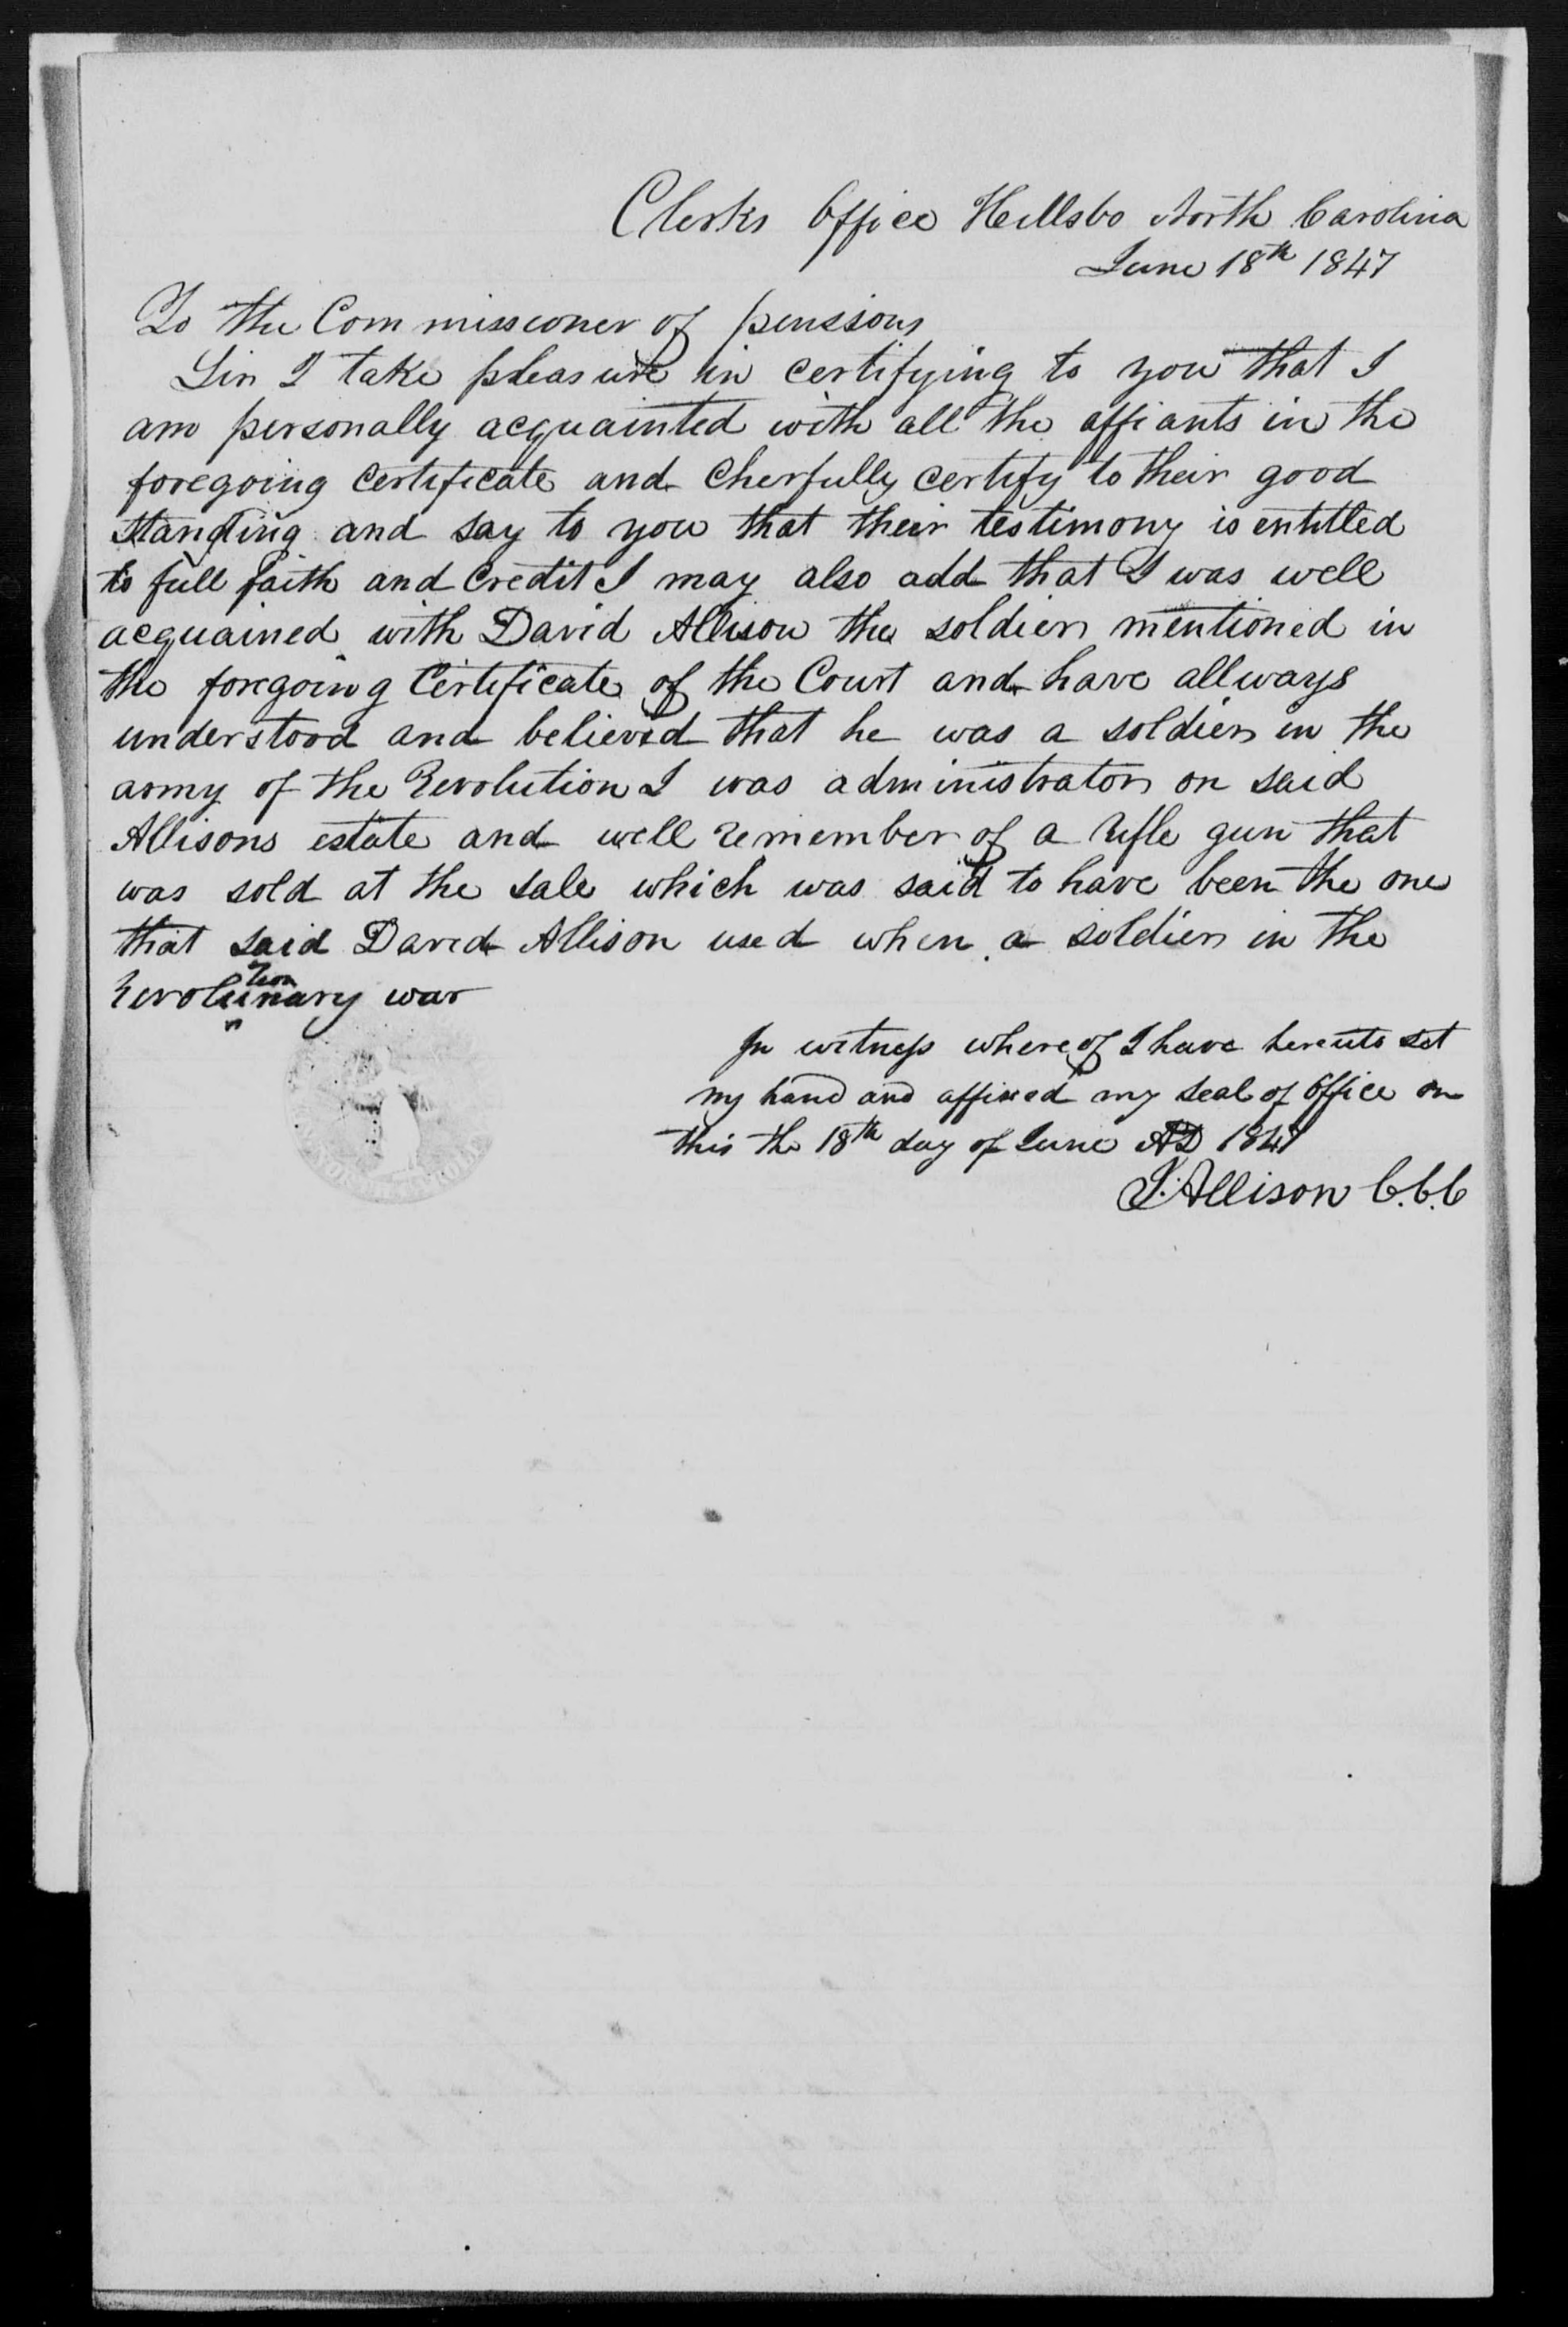Clerks offices Hesllsbo North Carolina 
June 18th 1847

To the Commissioner of pensions
Sir, I take pleasure in certifying to you that I am personally acquainted with all the affiants in the foregoing certificate and cherfully certify to their good standing and say to you that their testimony is entitled to full faith and credit. I may also add that I was well acquainted with David Allison the solider mentioned in the forgoing Certificate of the Court and have allways understood and believed that he was a soldier in the army of the Revolution.  I was administrator on said Allisons estate and well remember of a Rifle gun that was sold at the sale which was said to have been the one that said David Allison used when a solider in the Revolutionary war. 

In Witness where of I have herewith set my hand and affixed my seal of office on this the 18th day of June 1847

J. Allison CCC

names: David Allison, Allison, David Allison, J Allison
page: 31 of 33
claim: rejected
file: R. 155, David Allison, N.C.